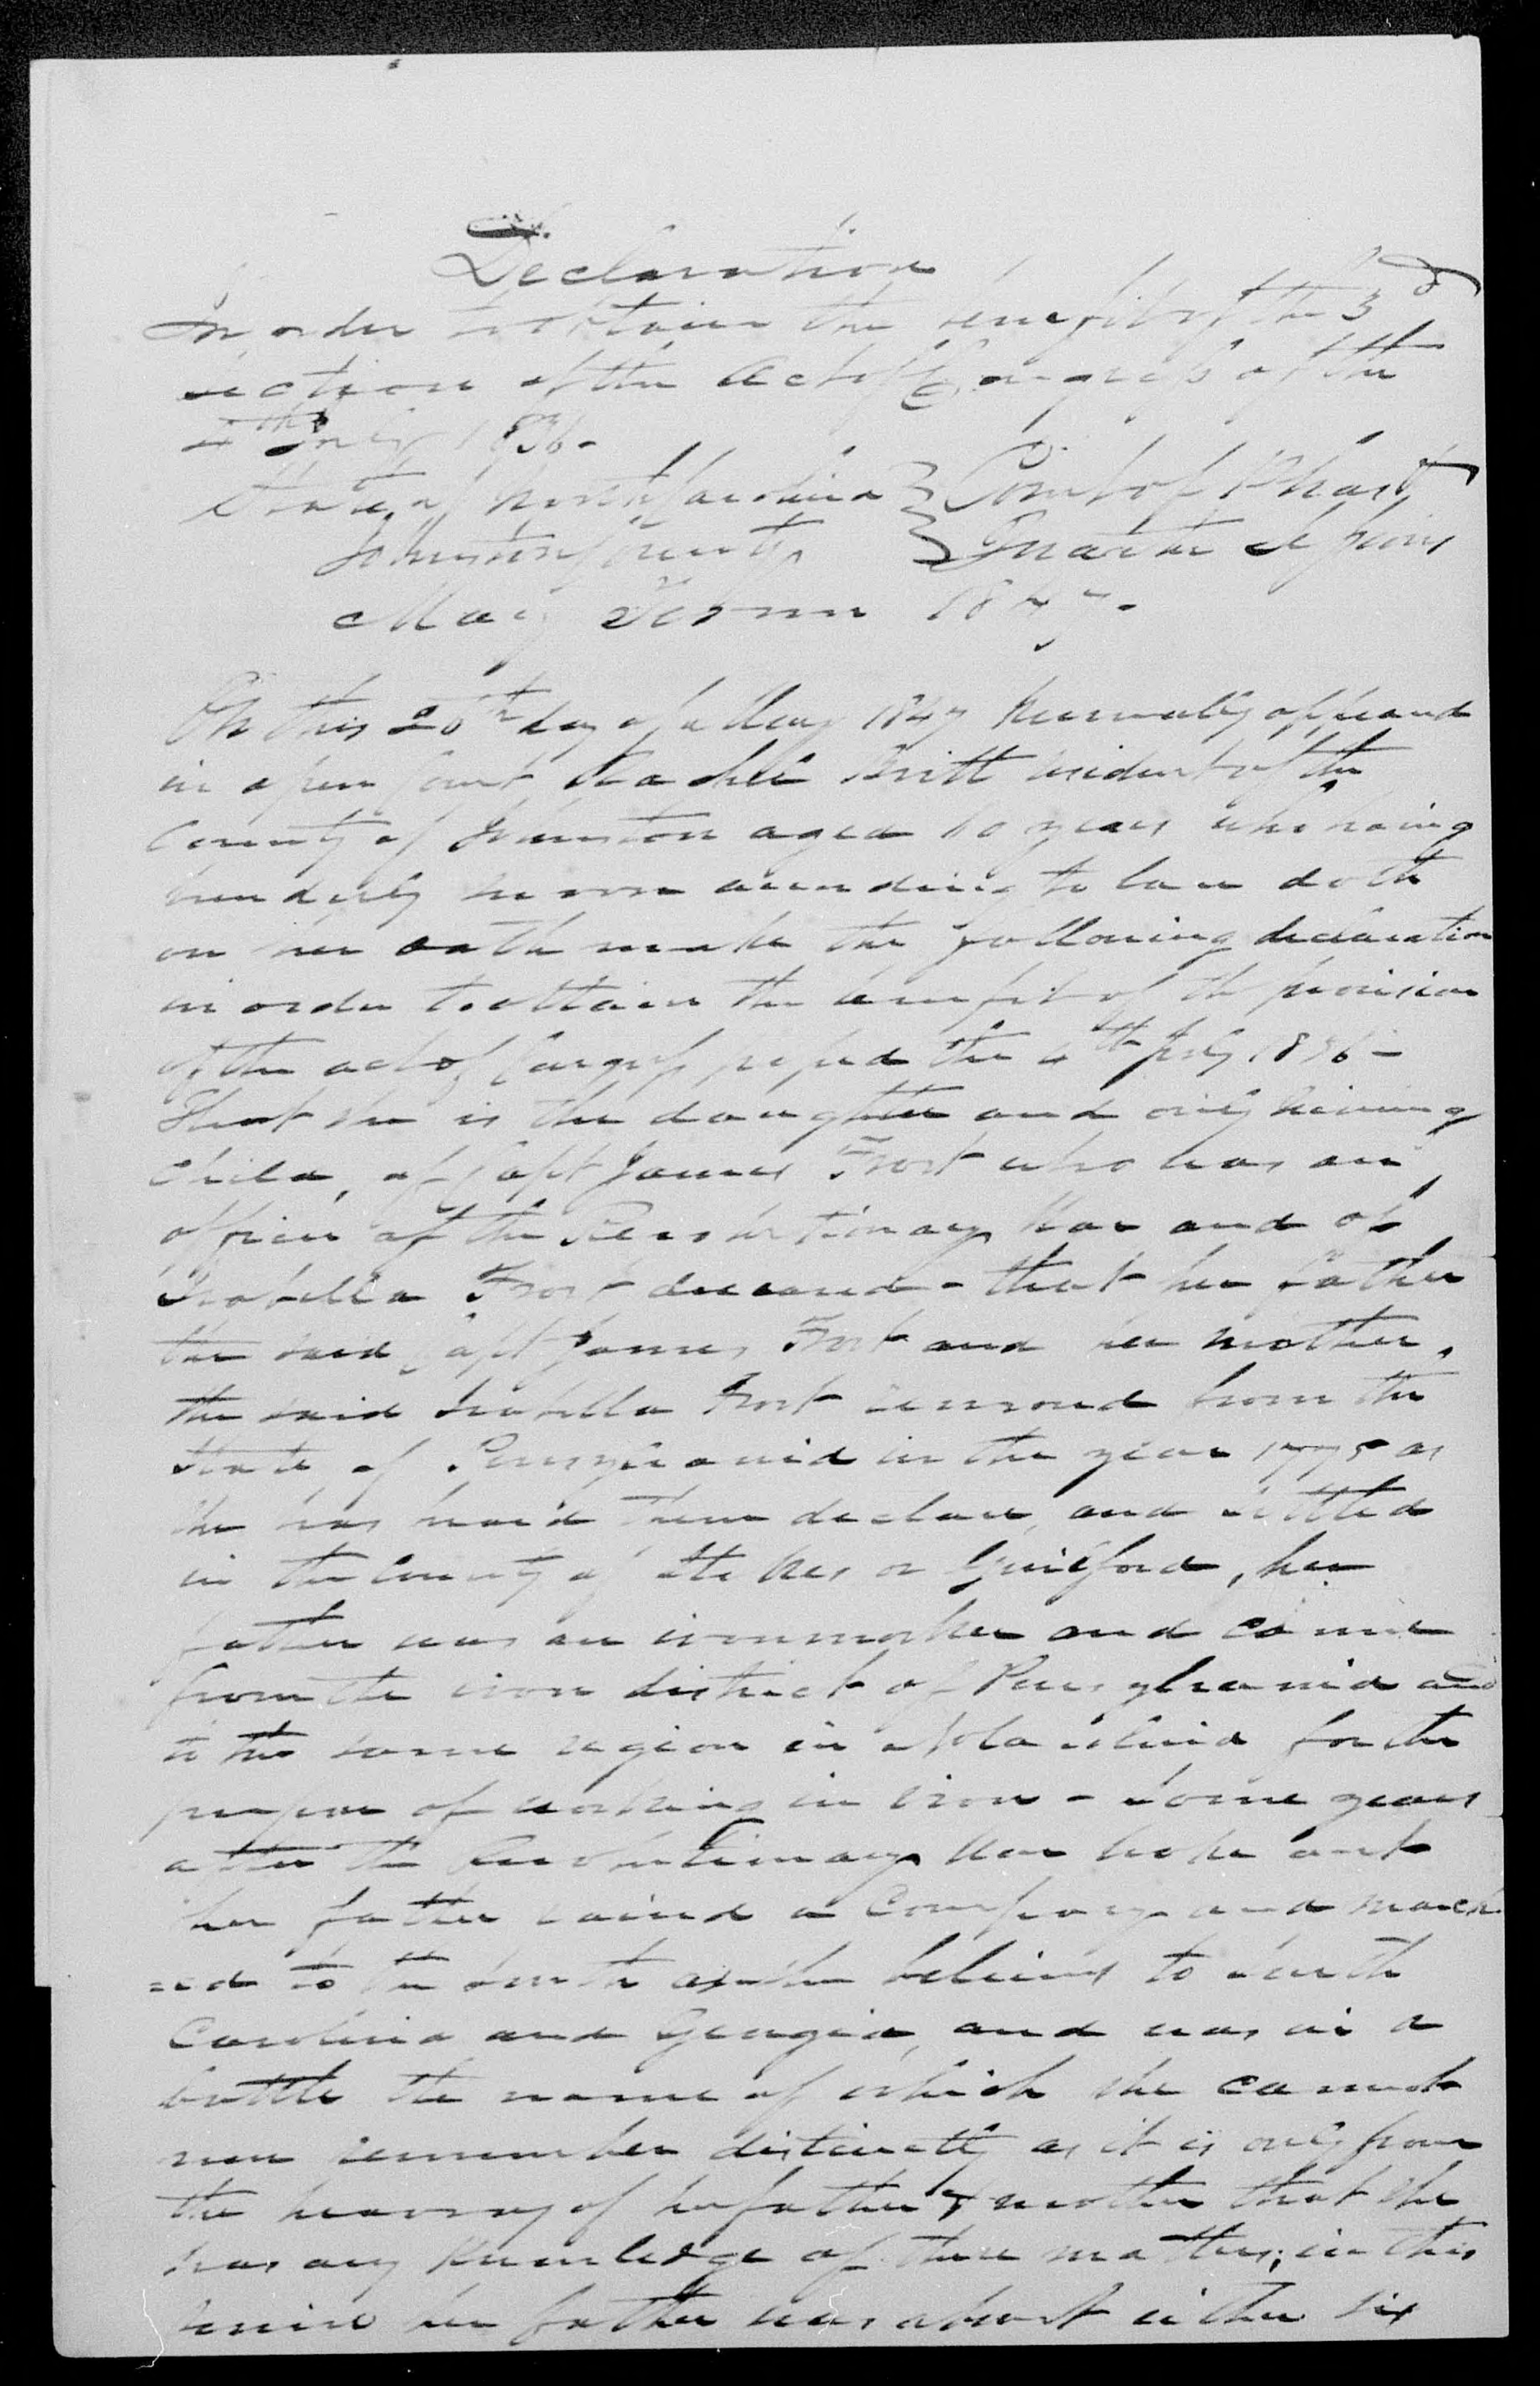Declaration In order to obtain the benefit of the 3rd section of the Act of Congress of the 4th July 1836.          
State of North Carolina     Johnston County }    Court of Pleas & Quarter Sessions 
 May Session 1847.        
On this 26th day of May 1847 personally appeared in open court Rachel Britt resident of the County of Johnston aged 60 years who being first duly sworn according to law doth on her oath make the following declaration in order to obtain the benefit of the provision of the act of Congress passed the 4th July 1836- That she is the daughter and only remaining child, of Capt James Frost who was an officer of the Revolutionary War and of Isabella Frost declared that her father the said Capt James Frost and her mother the said  Isabella Frost removed from the State Pennsylvania in the year 1775 as she has heard them declare and settled in the County of Hoke or Guilford, her father was an ironworker and came from the iron district of Pennsylvania and to the same Region in N.Carolina for the purpose of working in iron - So one year after the Revolutionary War broke out her father raised a company on a marched to the South as she believes to South Carolina and Georgia and was in a battle the name of which she cannot now remember distinctly as it is only from the memory of her father & mother that she has any knowledge of the matter; in this period her father was what either six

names: James Frost, Rachel Britt, Isabella Frost, Isabella Frost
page: 2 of 15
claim: rejected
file: R. 3815, James Frost, N.C.